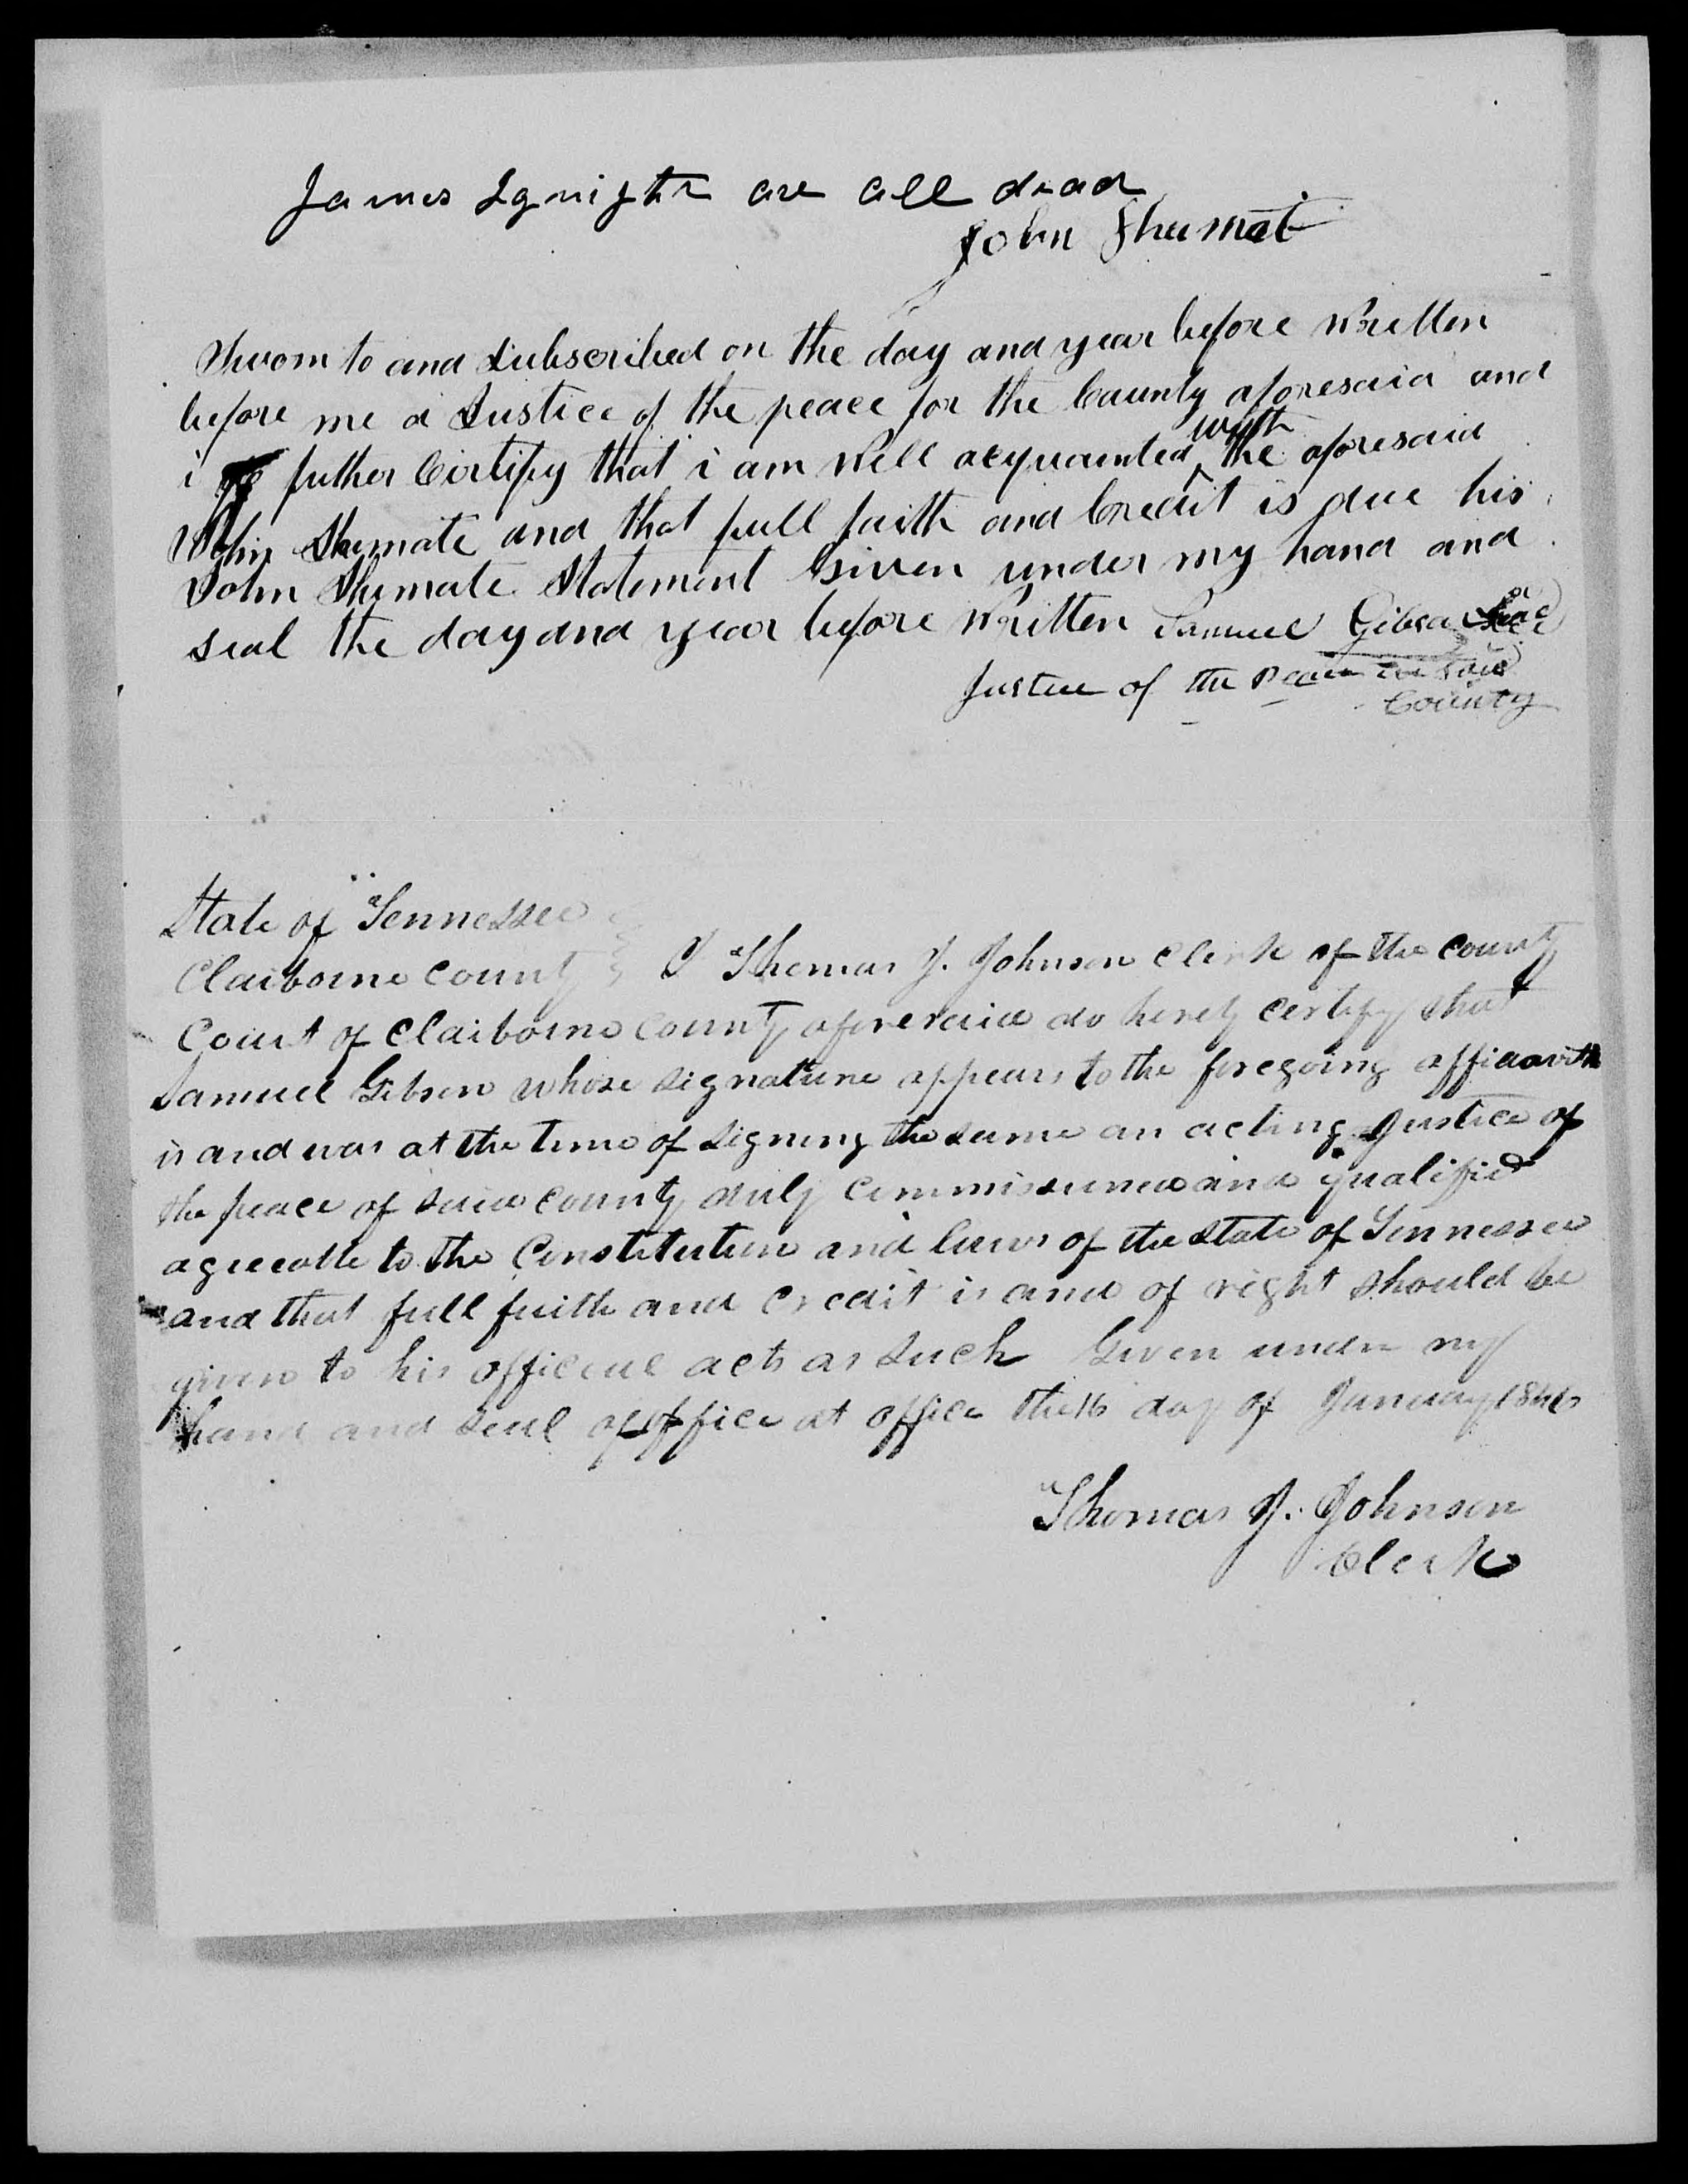James Light are all dead
John Shumat

Sworn to and subscribed on the day and year before written
before me a Justice of the peace for the County aforesaid and
i futher [further] Certify that I am well acquainted with the aforesaid
John Shumate Statement Given under my hand and
Seal the day and year before written 
Samuel Gibson
Justice of the Peace the said County

State of Tennessee  )
Claiborne County    )
I Thomas J. Johnson clerk of the county
court of Claiborne County aforesaid do hereby certify that
Samuel Gibson whose signature appears to the foregoing affidavit
is and was at the time of signing the same an acting Justice of
the peace of said county duly commissioned and qualified
agreeable to the Constitution and laws of the State of Tennessee
and that full faith and credit is and of right should be
given to his official acts as such Given under my
hand and seal of office at office the 16 day of January 1846
Thomas J. Johnson
Clerk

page: 110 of 120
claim: widow's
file: W. 1044, for Salathiel Martin, North Carolina